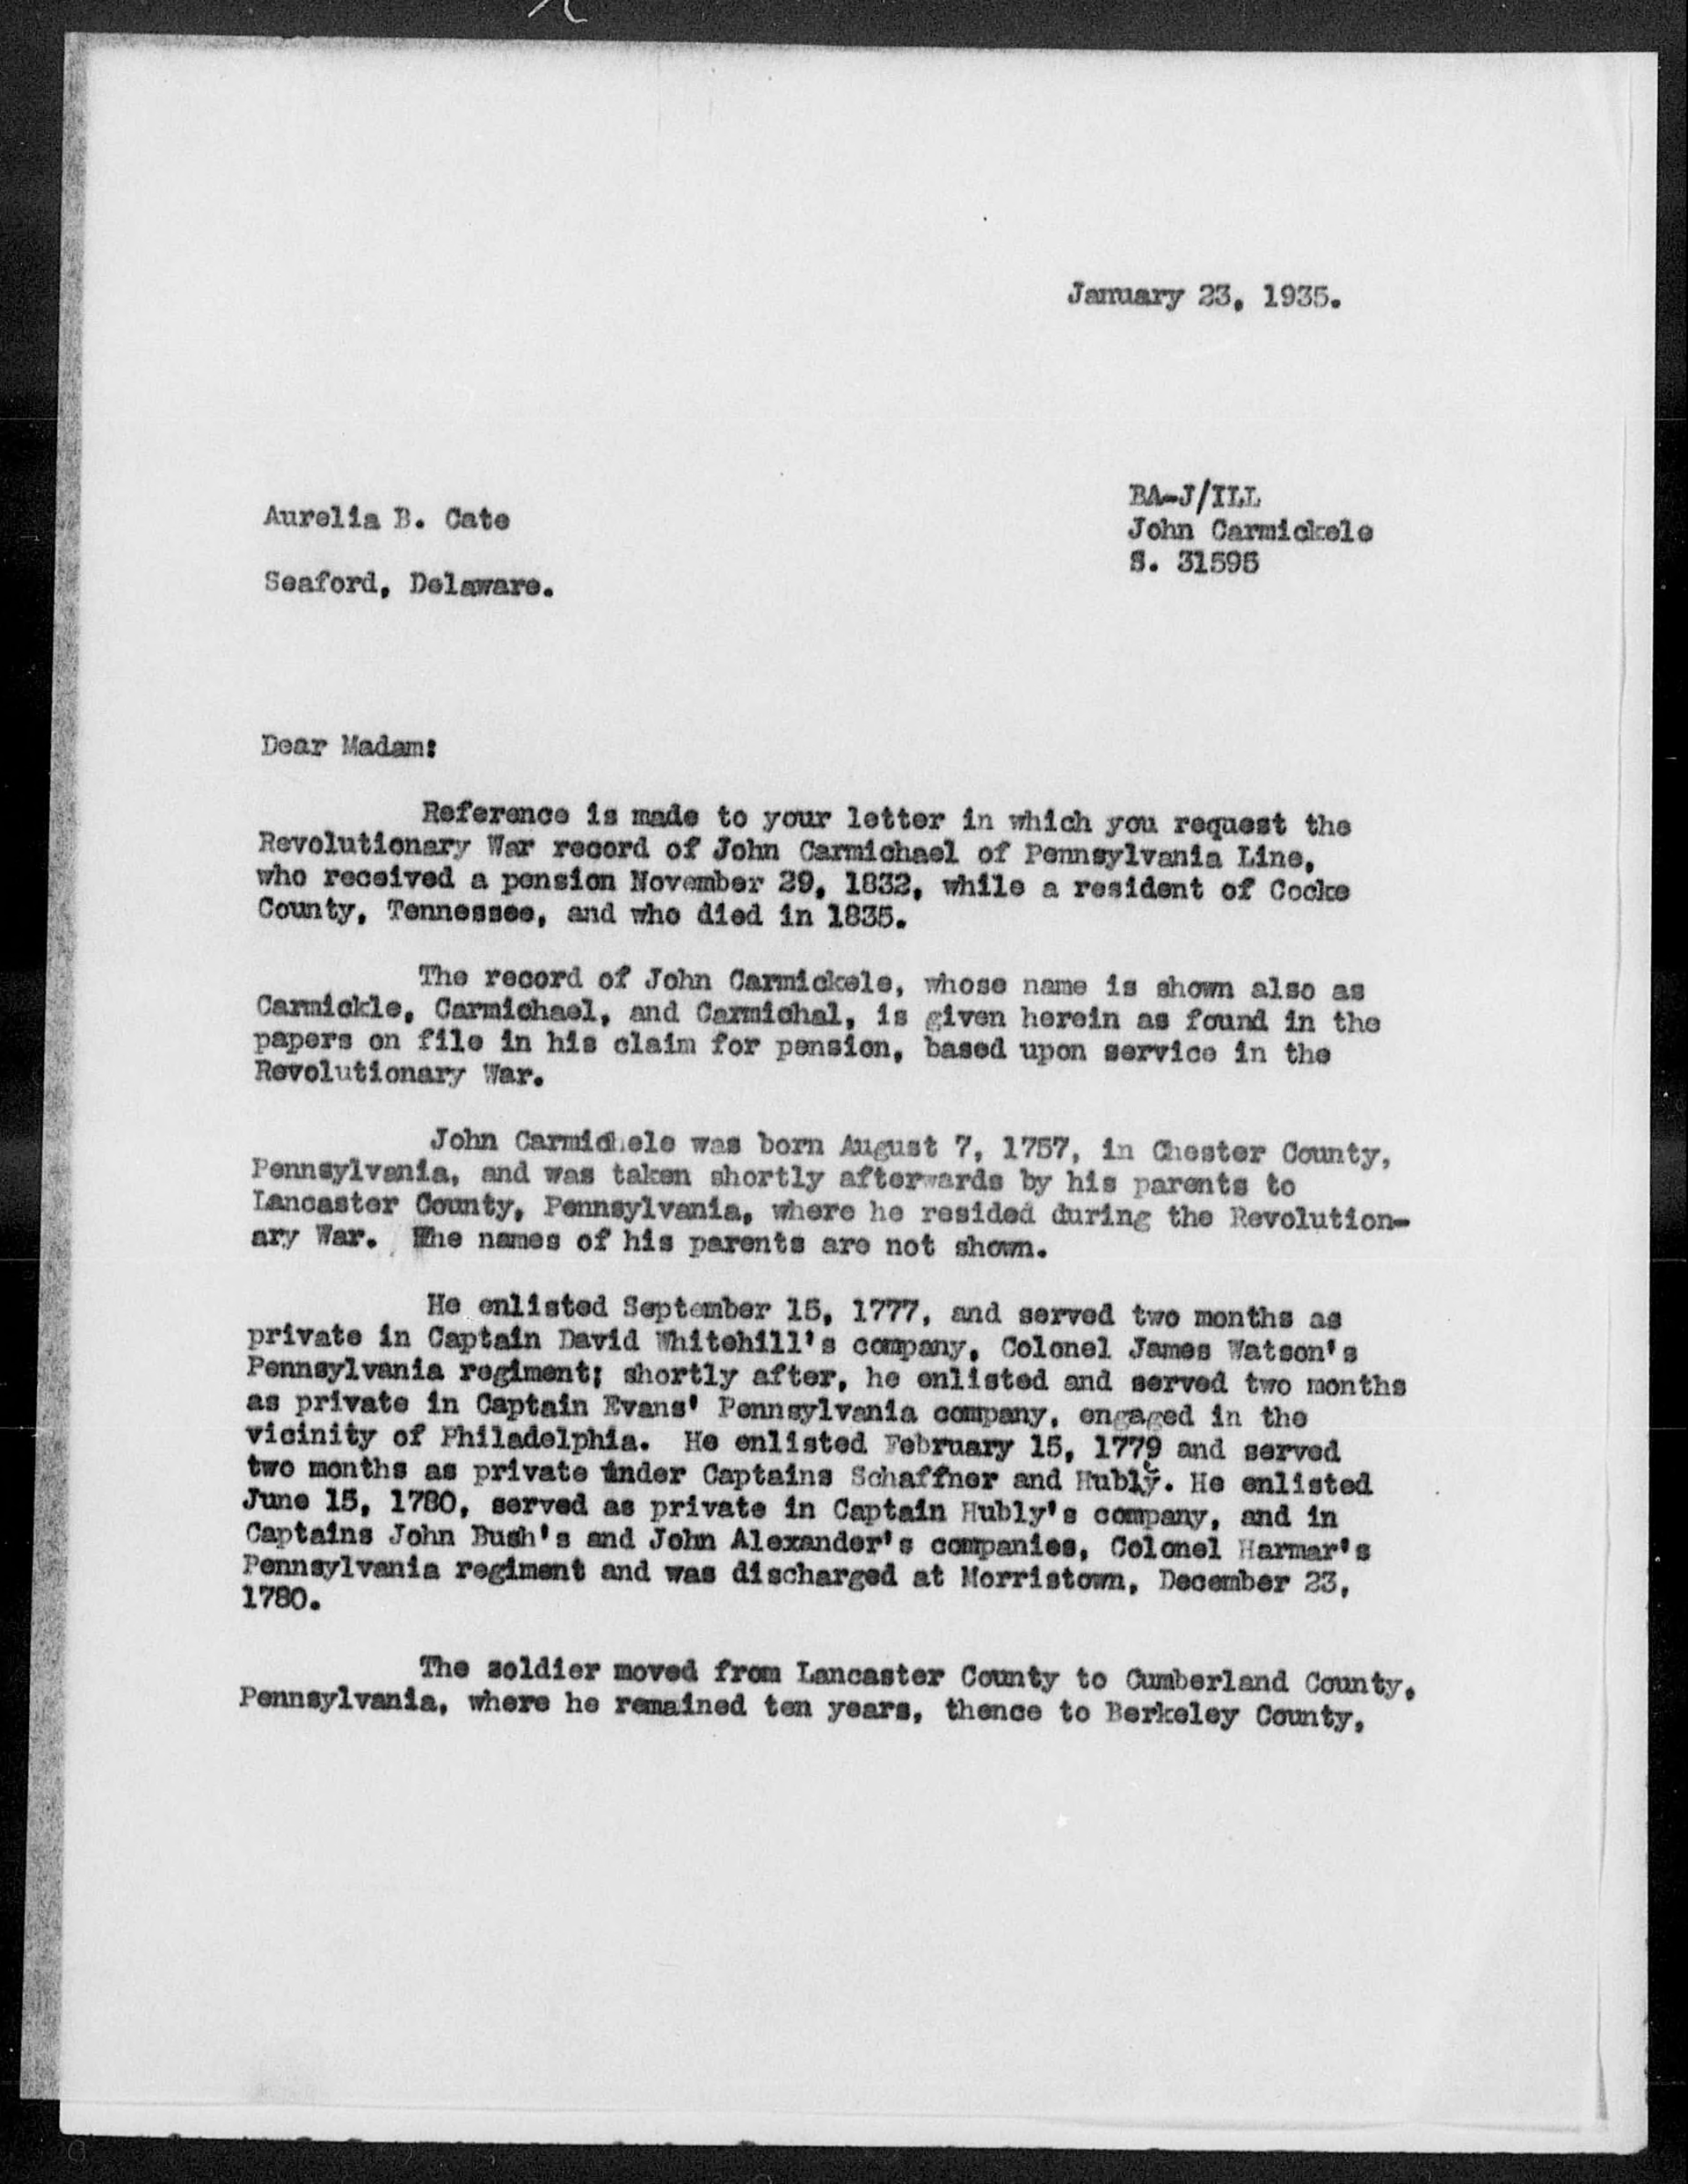January 23, 1935.
Aurelia B. Cate
Seaford, Delaware.
BA-J/ILL
John Carmickele
S. 31595
Dear Madam:
Reference is made to your letter in which you request the Revolutionary War record of John Carmichael of Pennsylvania Line, who received a pension November 29, 1832, while a resident of Cocke County, Tennessee, and who died in 1835.
The record of John Carmickele, whose name is shown also as Carmickle, Carmichael, and Carmichal, is given herein as found in the
papers on file in his claim for pension, based upon service in the Revolutionary War.
John Carmickele was born August 7, 1757, in Chester County, Pennsylvania, and was taken shortly afterwards by his parents to Lancaster County, Pennsylvania, where he resided during the Revolutionary War. The names of his parents are not shown.
He enlisted September 15, 1777, and served two months as private in Captain David Whitehill's company, Colonel James Watson's
Pennsylvania regiment; shortly after, he enlisted and served two months as private in Captain Evans' Pennsylvania company, engaged in the vicinity of Philadelphia. He enlisted February 15, 1779 and served two months as private under Captains Schaffner and Hubly. He enlisted June 15, 1780, served as private in Captain Hubly's company, and in
Captains John Bush's and John Alexander's companies, Colonel Harmar's Pennsylvania regiment and was discharged at Morristown, December 23, 1780.
The soldier moved from Lancaster County to Cumberland County, Pennsylvania, where he remained ten years, thence to Berkeley County,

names: John Carmichael, Carmickle, John Carmichele, Hubley, Carmichael, Schaffner, Aurelia B Cate, Carmichal, John Carmickele, John Carmickele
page: 40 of 42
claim: survivor's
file: S. 31,595, John Carmickele, Penn.